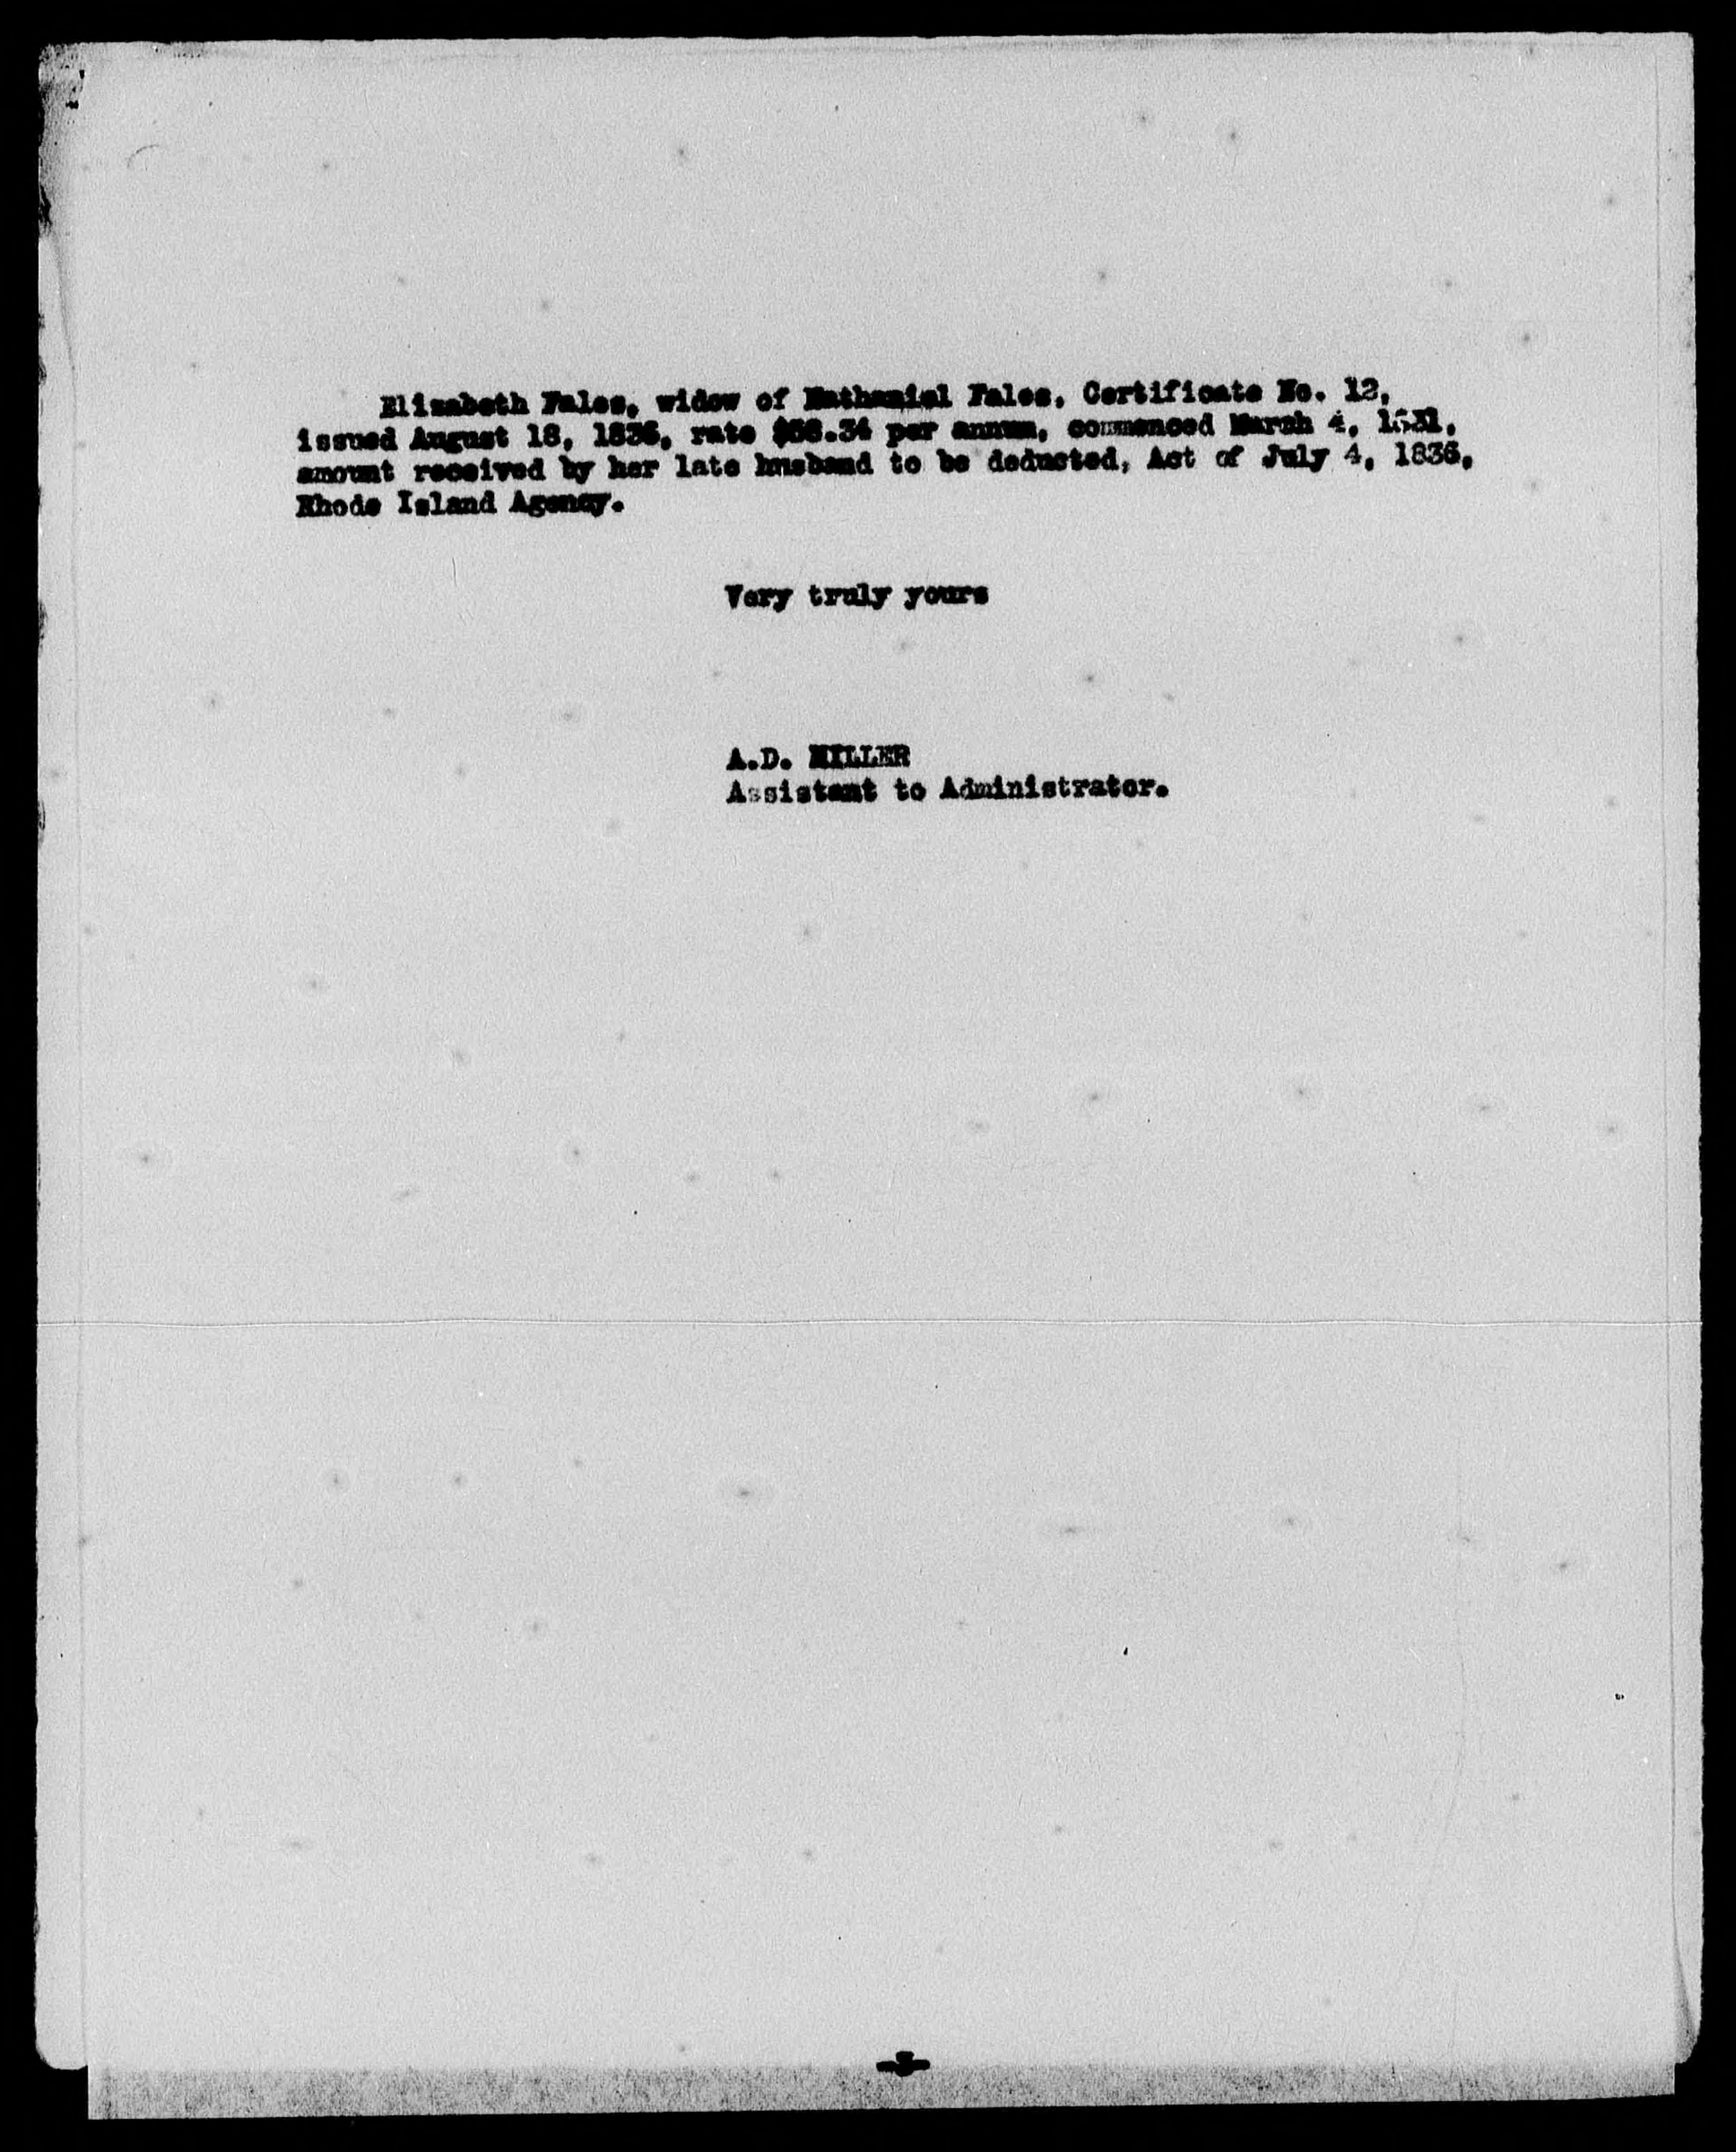Elizabeth Fales, widow of Nathaniel Fales, Certificate No. 12, issued August 18, 1836, rate $56.34 per annum, commenced March 4, 1831, amount received by her late husband to be deducted, Act of July 4, 1836, Rhode Island Agency.

Very truly yours

A.D. MILLER
Assistant to Administrator.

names: Elizabeth Fales, A D Hiller, Nathaniel Fales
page: 19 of 32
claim: widow's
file: W. 24,173, Nathaniel Fales, R.I.